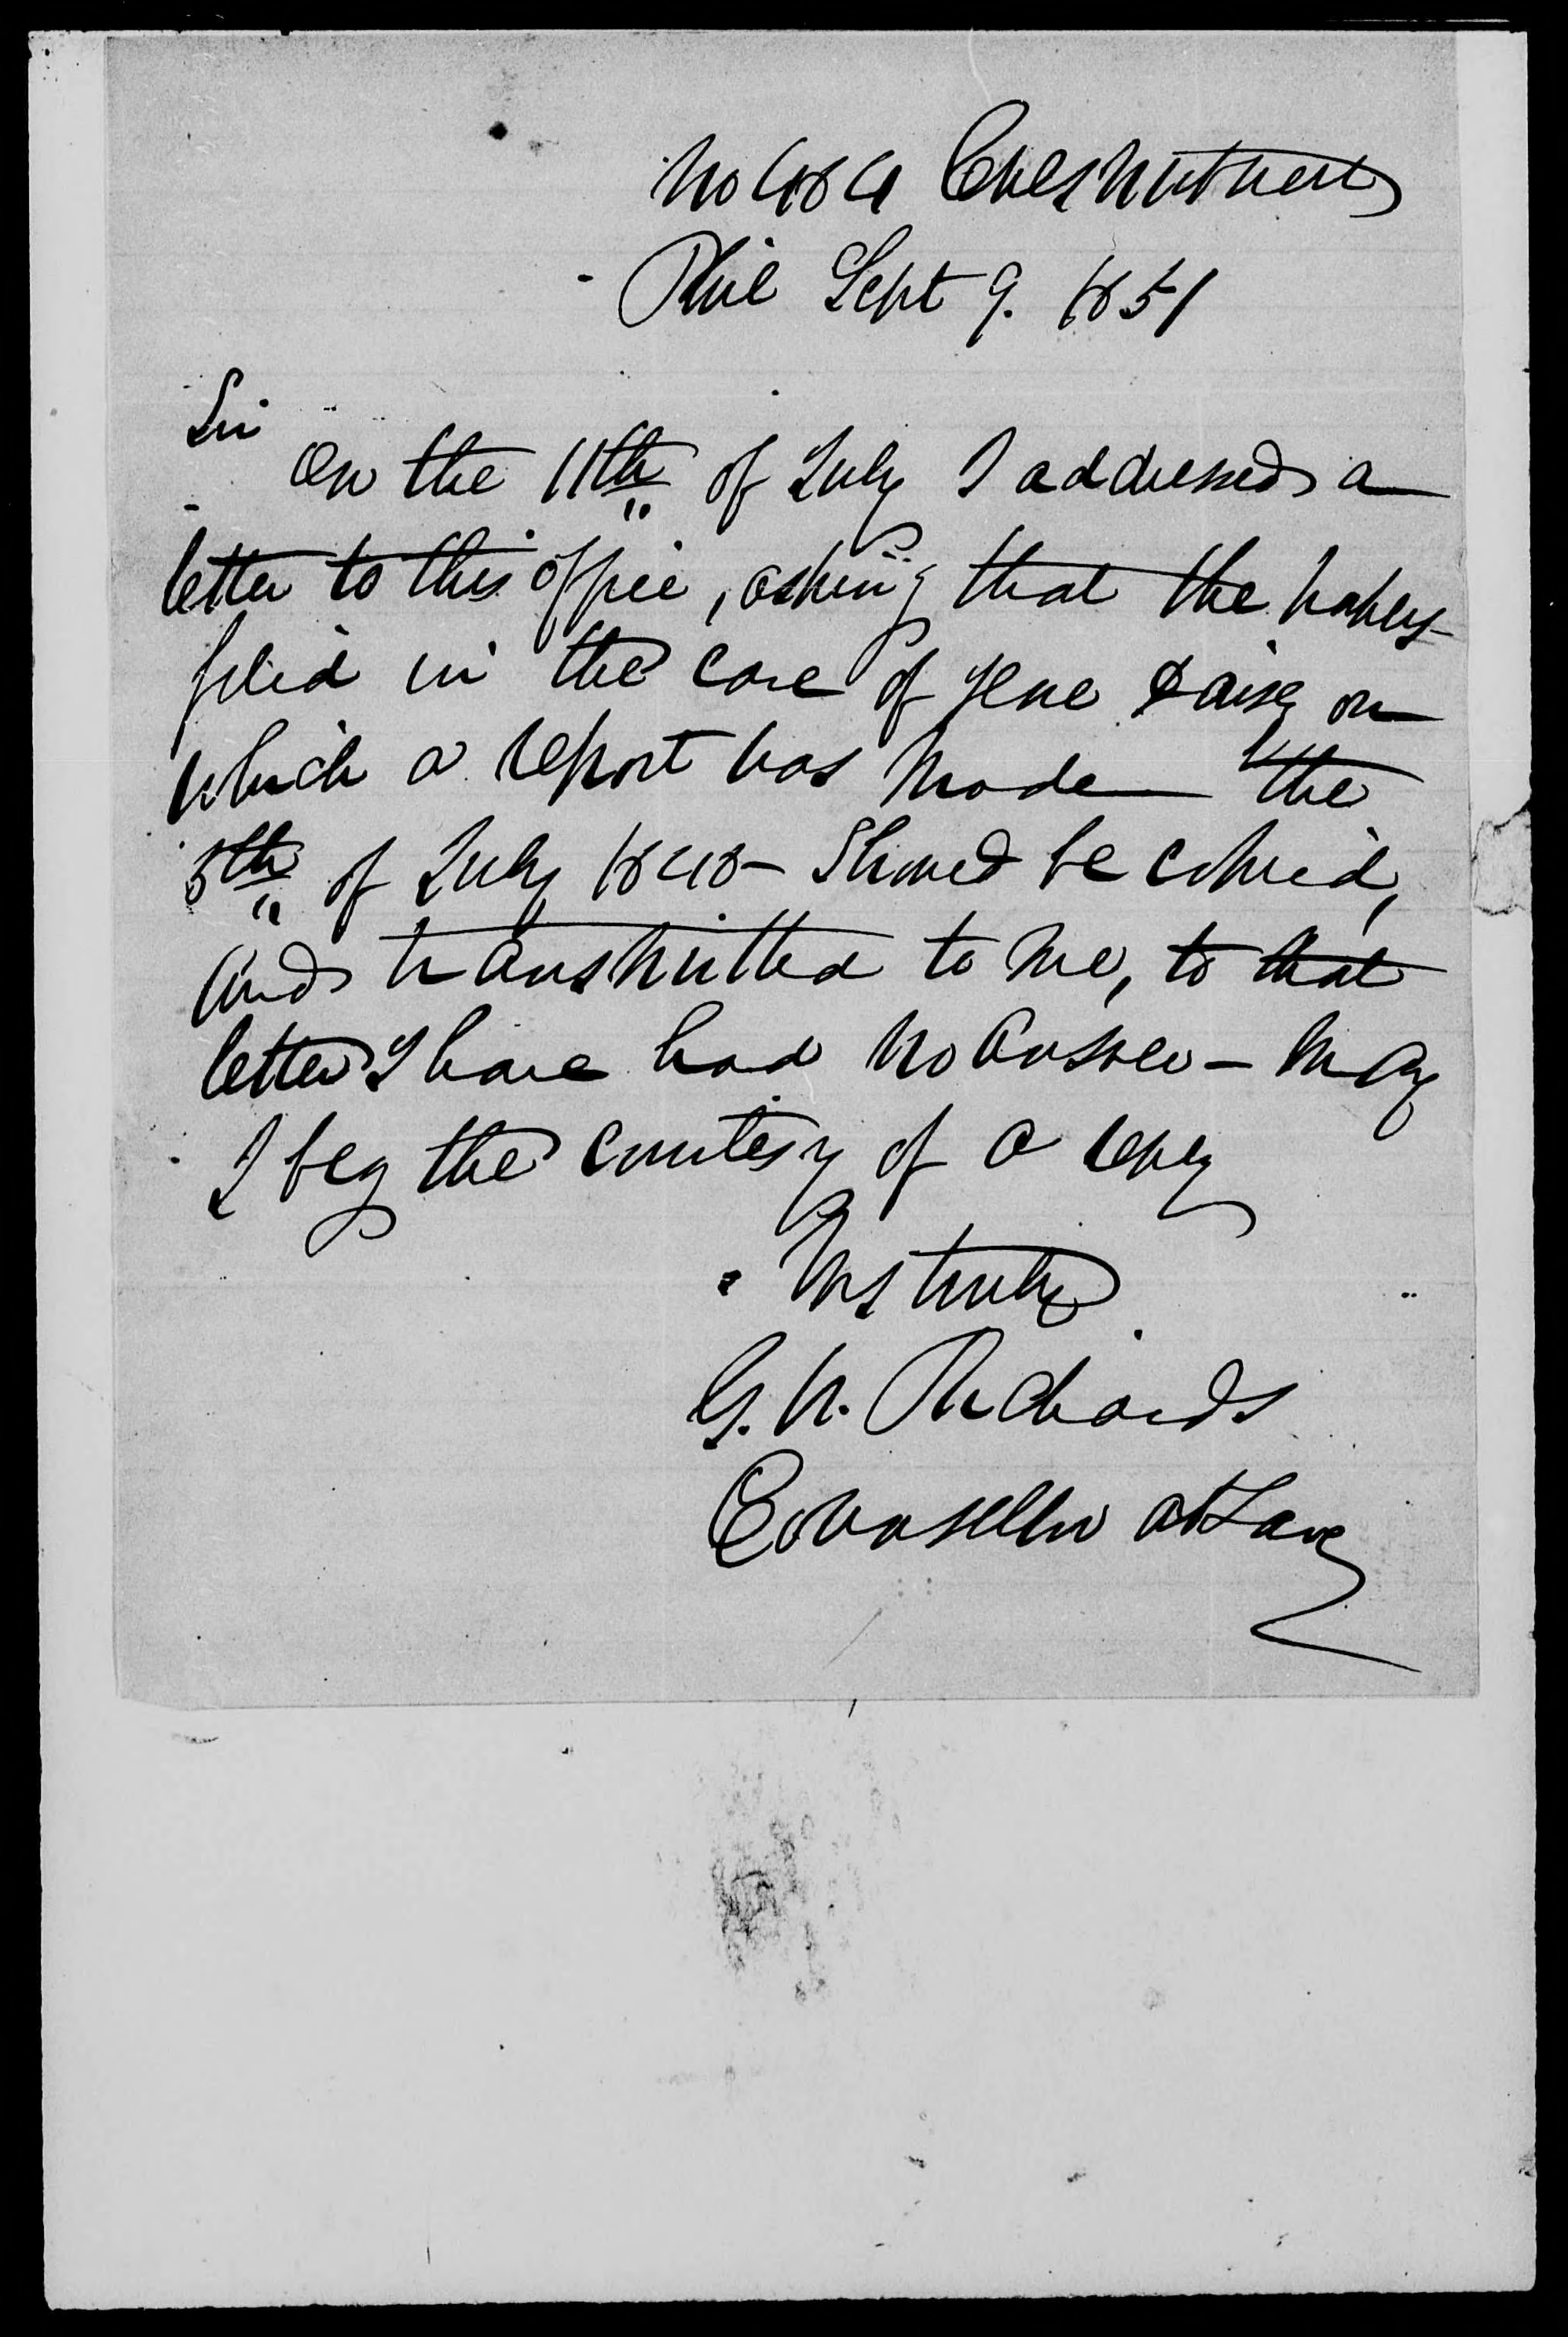[Illegible]
[Illegible]

Sir
On the 11th of July I addressed a letter to this office, asking that the [Illegible] filed in the car of Gene []aise on which a report has made the 6th of July 1848 - Should be [], and transmitted to me, to that letter I have had no answer - may I beg the courtesy of a [illegible]
[illegible]
G.H. [illegible]
[illegible]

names: G N Richards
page: 20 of 32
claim: rejected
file: R. 2795, Jesse Dazey, Del.